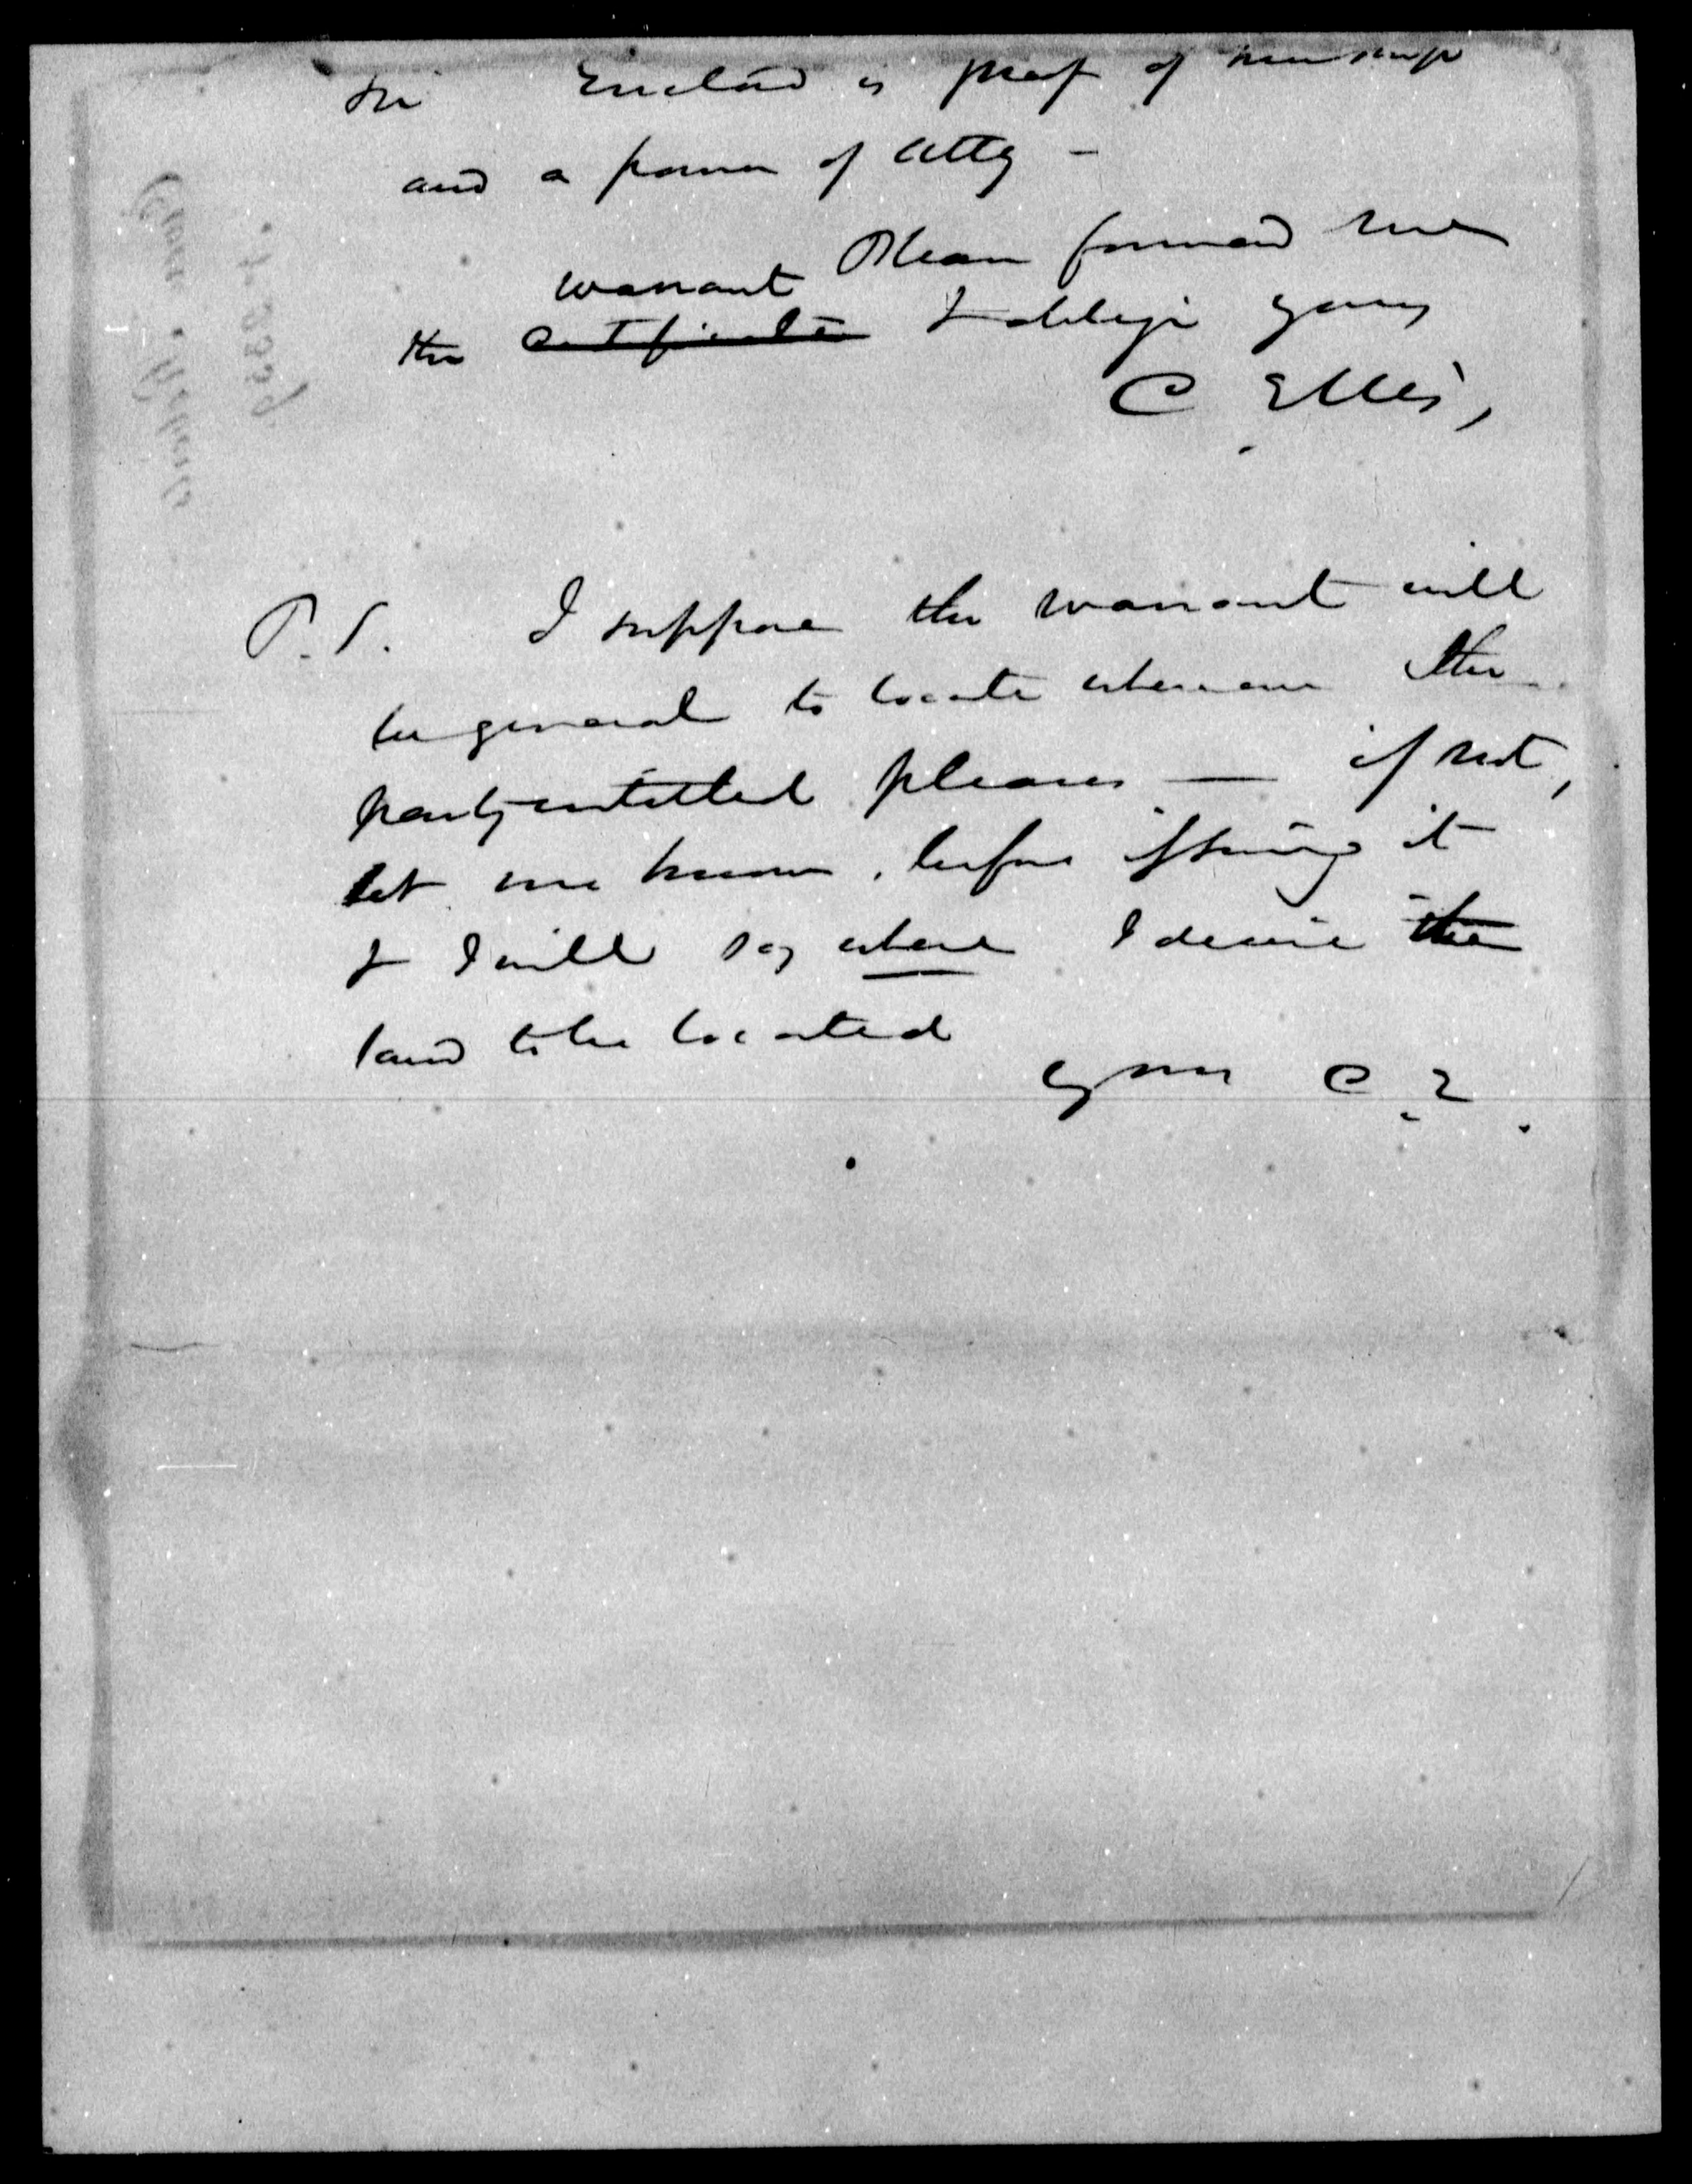The enclosed is proof of [illegible]
and a power of atty - 
Warrant  Please forward me
the certificate   

I oblige yours
C. Ellis

P.S.  I suppose the warrant will 
be general to locate whenever the
party entitled pleases -- if not,
let me know before signing [?] it
& I will say where I desire the 
land to be located

Yours
CE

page: 41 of 59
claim: bounty land warrant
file: B.L.Wt. 2359-500, for Owen Roberts, South Carolina